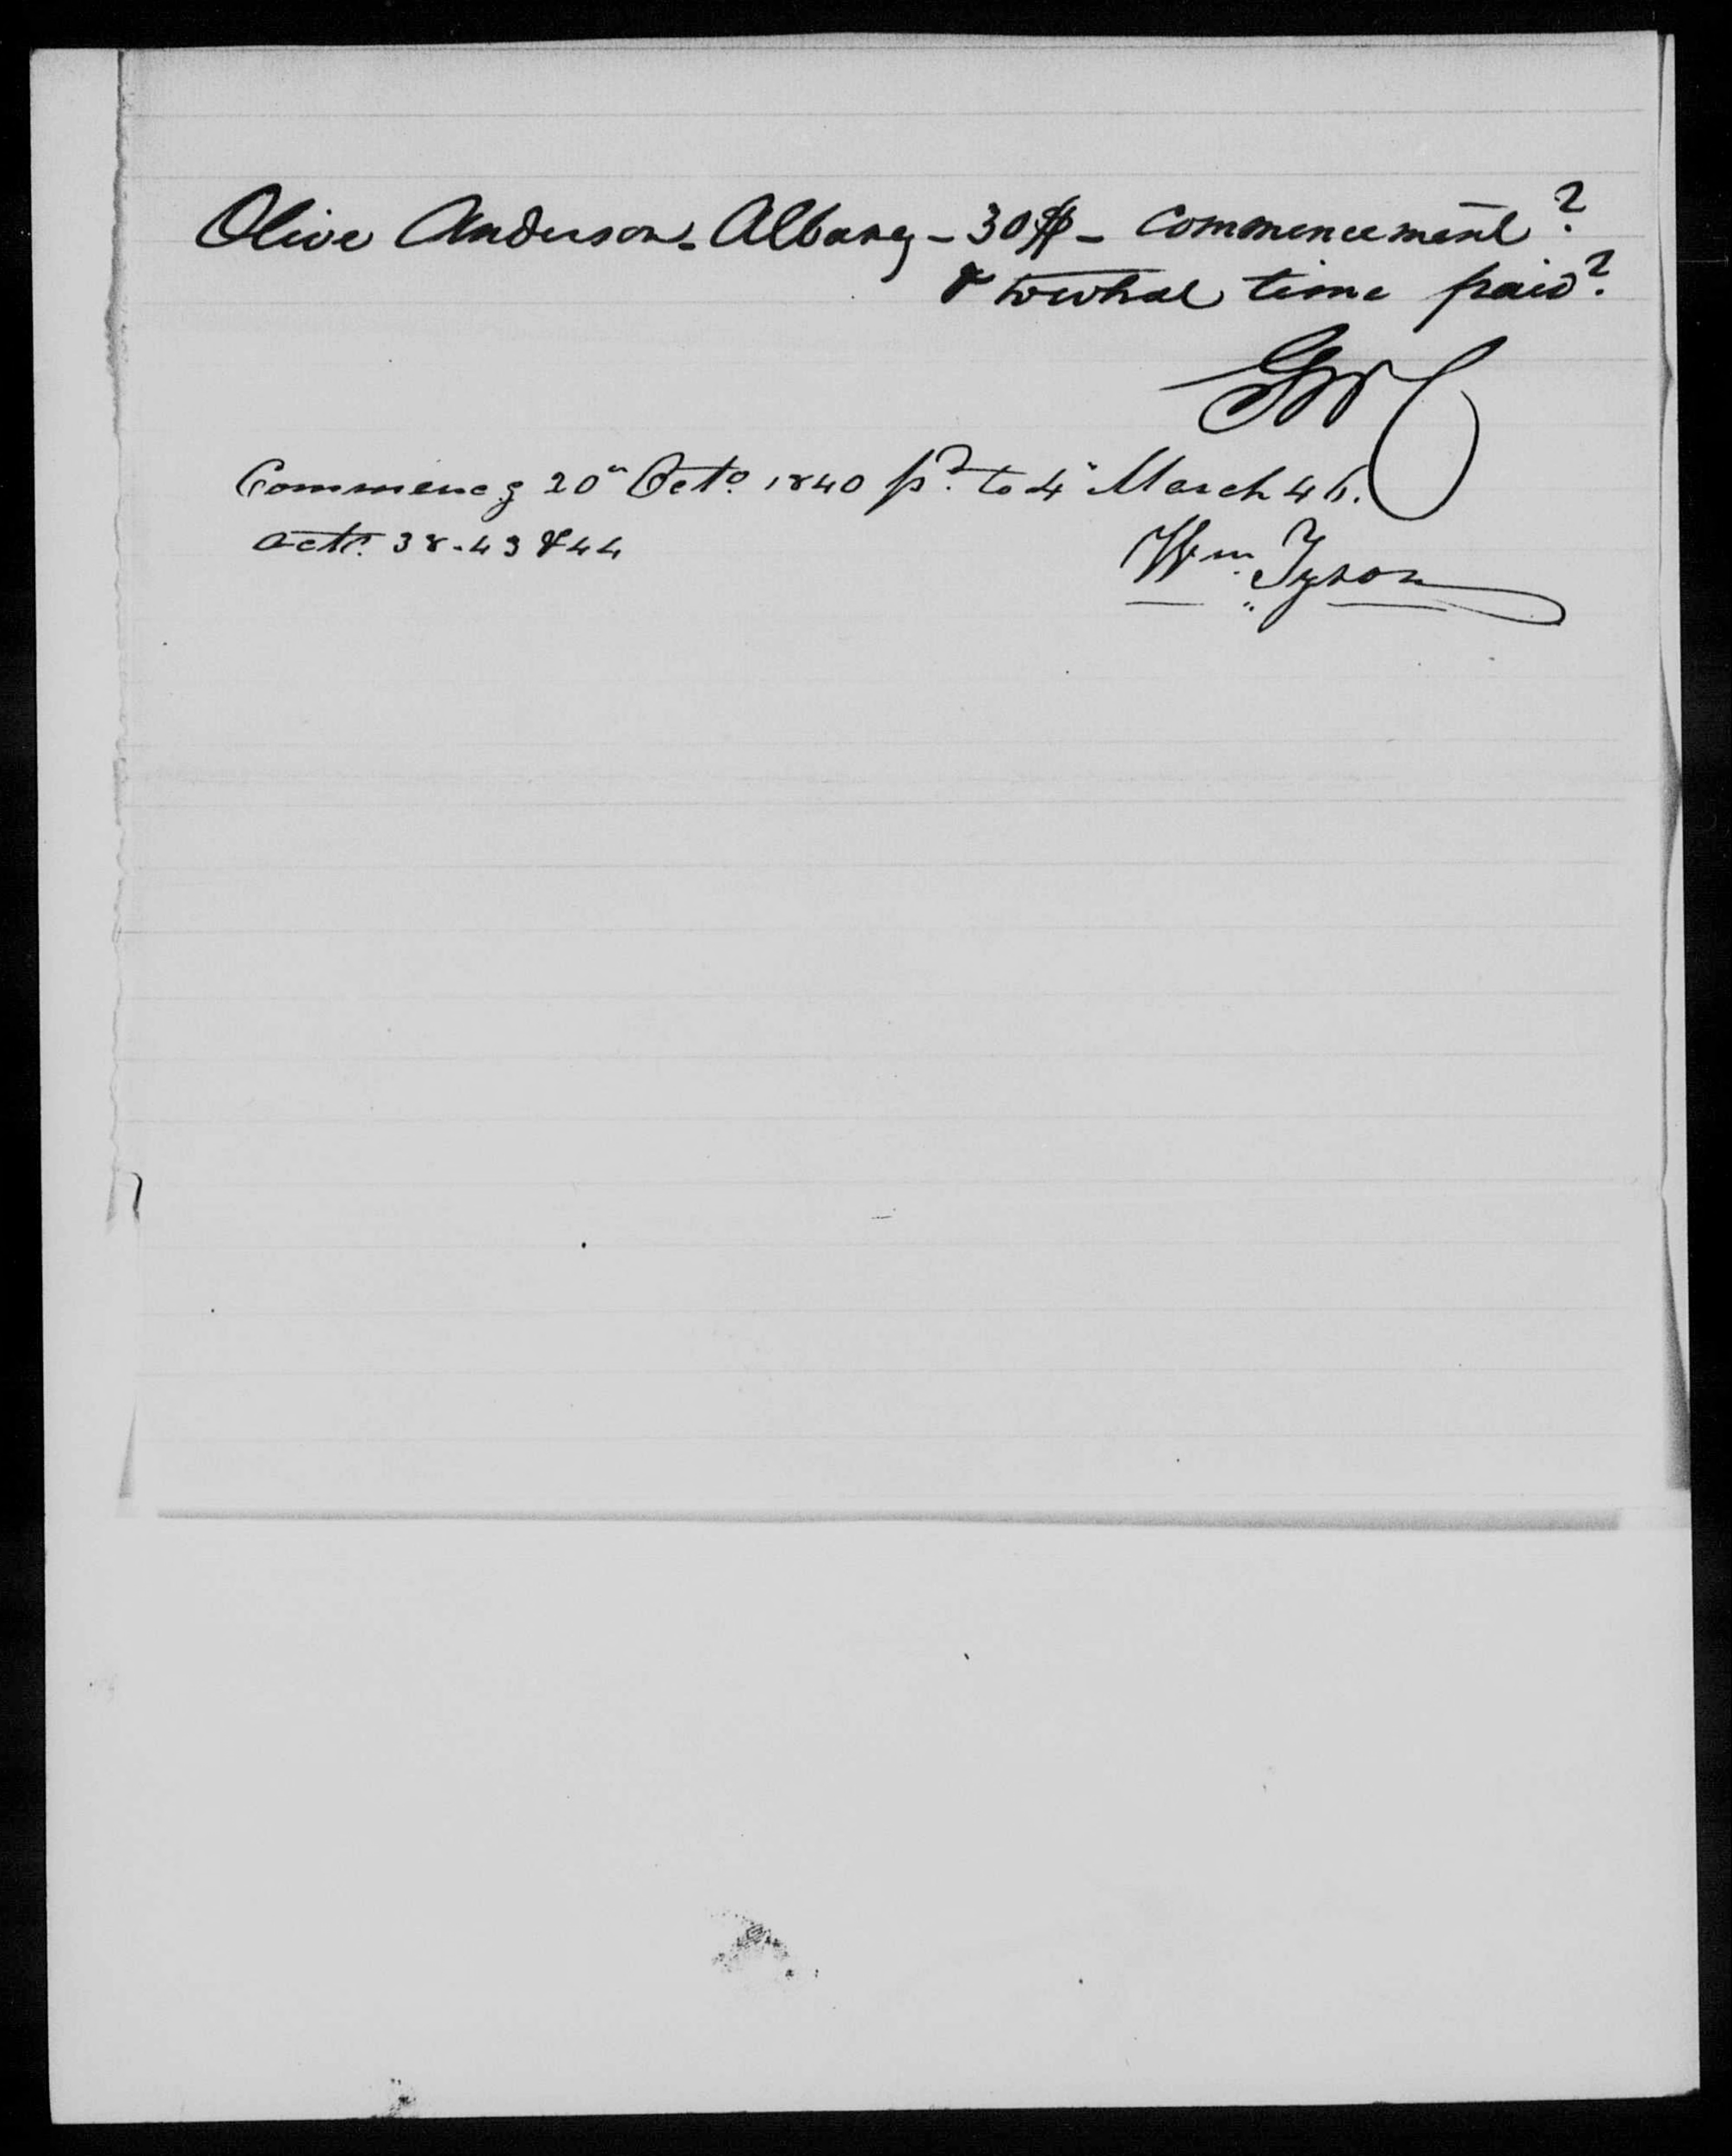Olive Anderson Albany 30 $. Commencement?
& to what time paid?
[illegible signature]

Commencg 20th Oct 1840 to 4 March 46
act 38-43 & 44
Wm Tyson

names: Wm Tyson, Olive Anderson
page: 25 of 39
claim: widow's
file: W. 20624, David Anderson, Mass